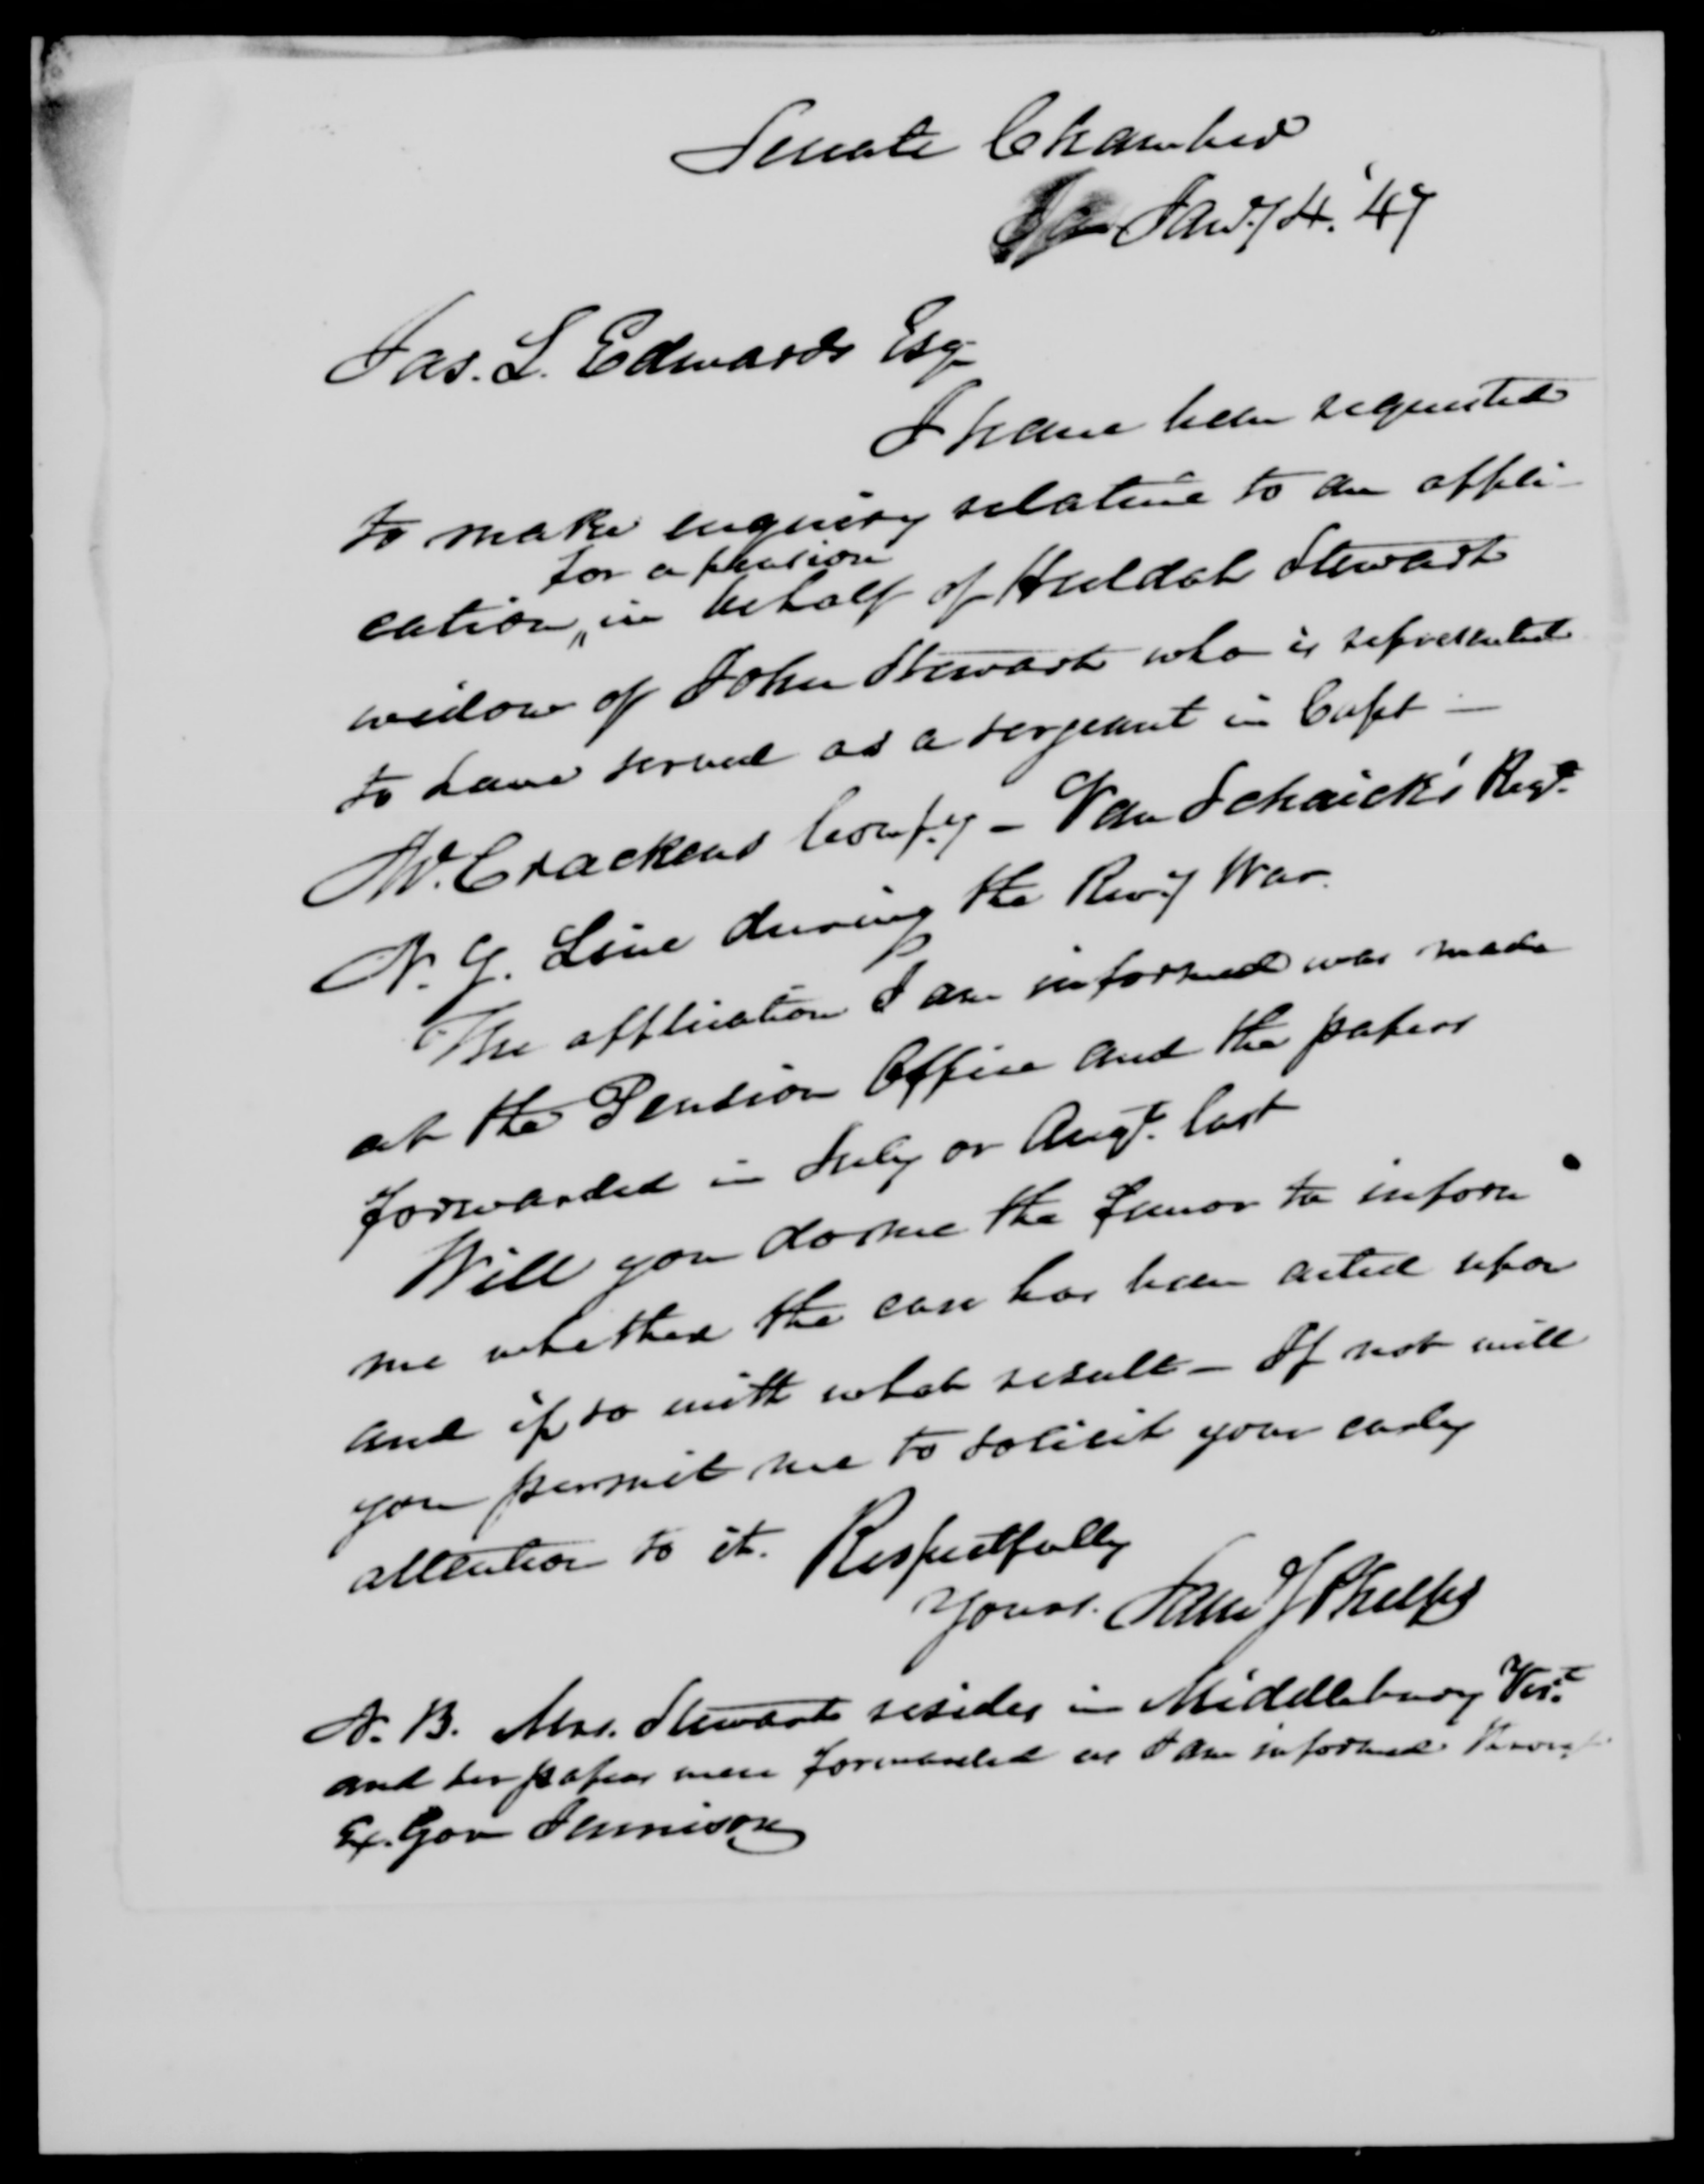Senate Chamber
Jany 4.47
Jas. L. Edwards Esq
I have been requested
to make enquiry relation to the application of Huldah Stewart
widow of John Stewart who is reputed
to have served as a Sergeant in Capt
McCrackens Compy Van Schaick's Regt
N.Y. Line during the Rev War
the application I am informed was made
at the Pension Office and the papers
forwarded in July or Augt last
Will you do me the favor to inform
me whether the case has been acted upon
and if so with what result- If not will
you permit me to solicit your early
attention to it. Respectfully
Yours [signature] Saml Phelps
A.B. Mrs. Stewart resides in Middlebury Vert
and her papers were forwarded as I am informed on
Ex ogov Jennison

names: [BLANK] Stewart; Saml S Phelps; Jas L Edwards; [BLANK] Jennison; John Stewart; Huldah Stewart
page: 22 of 26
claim: rejected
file: R. 10,154, for John Stewart, New Hampshire